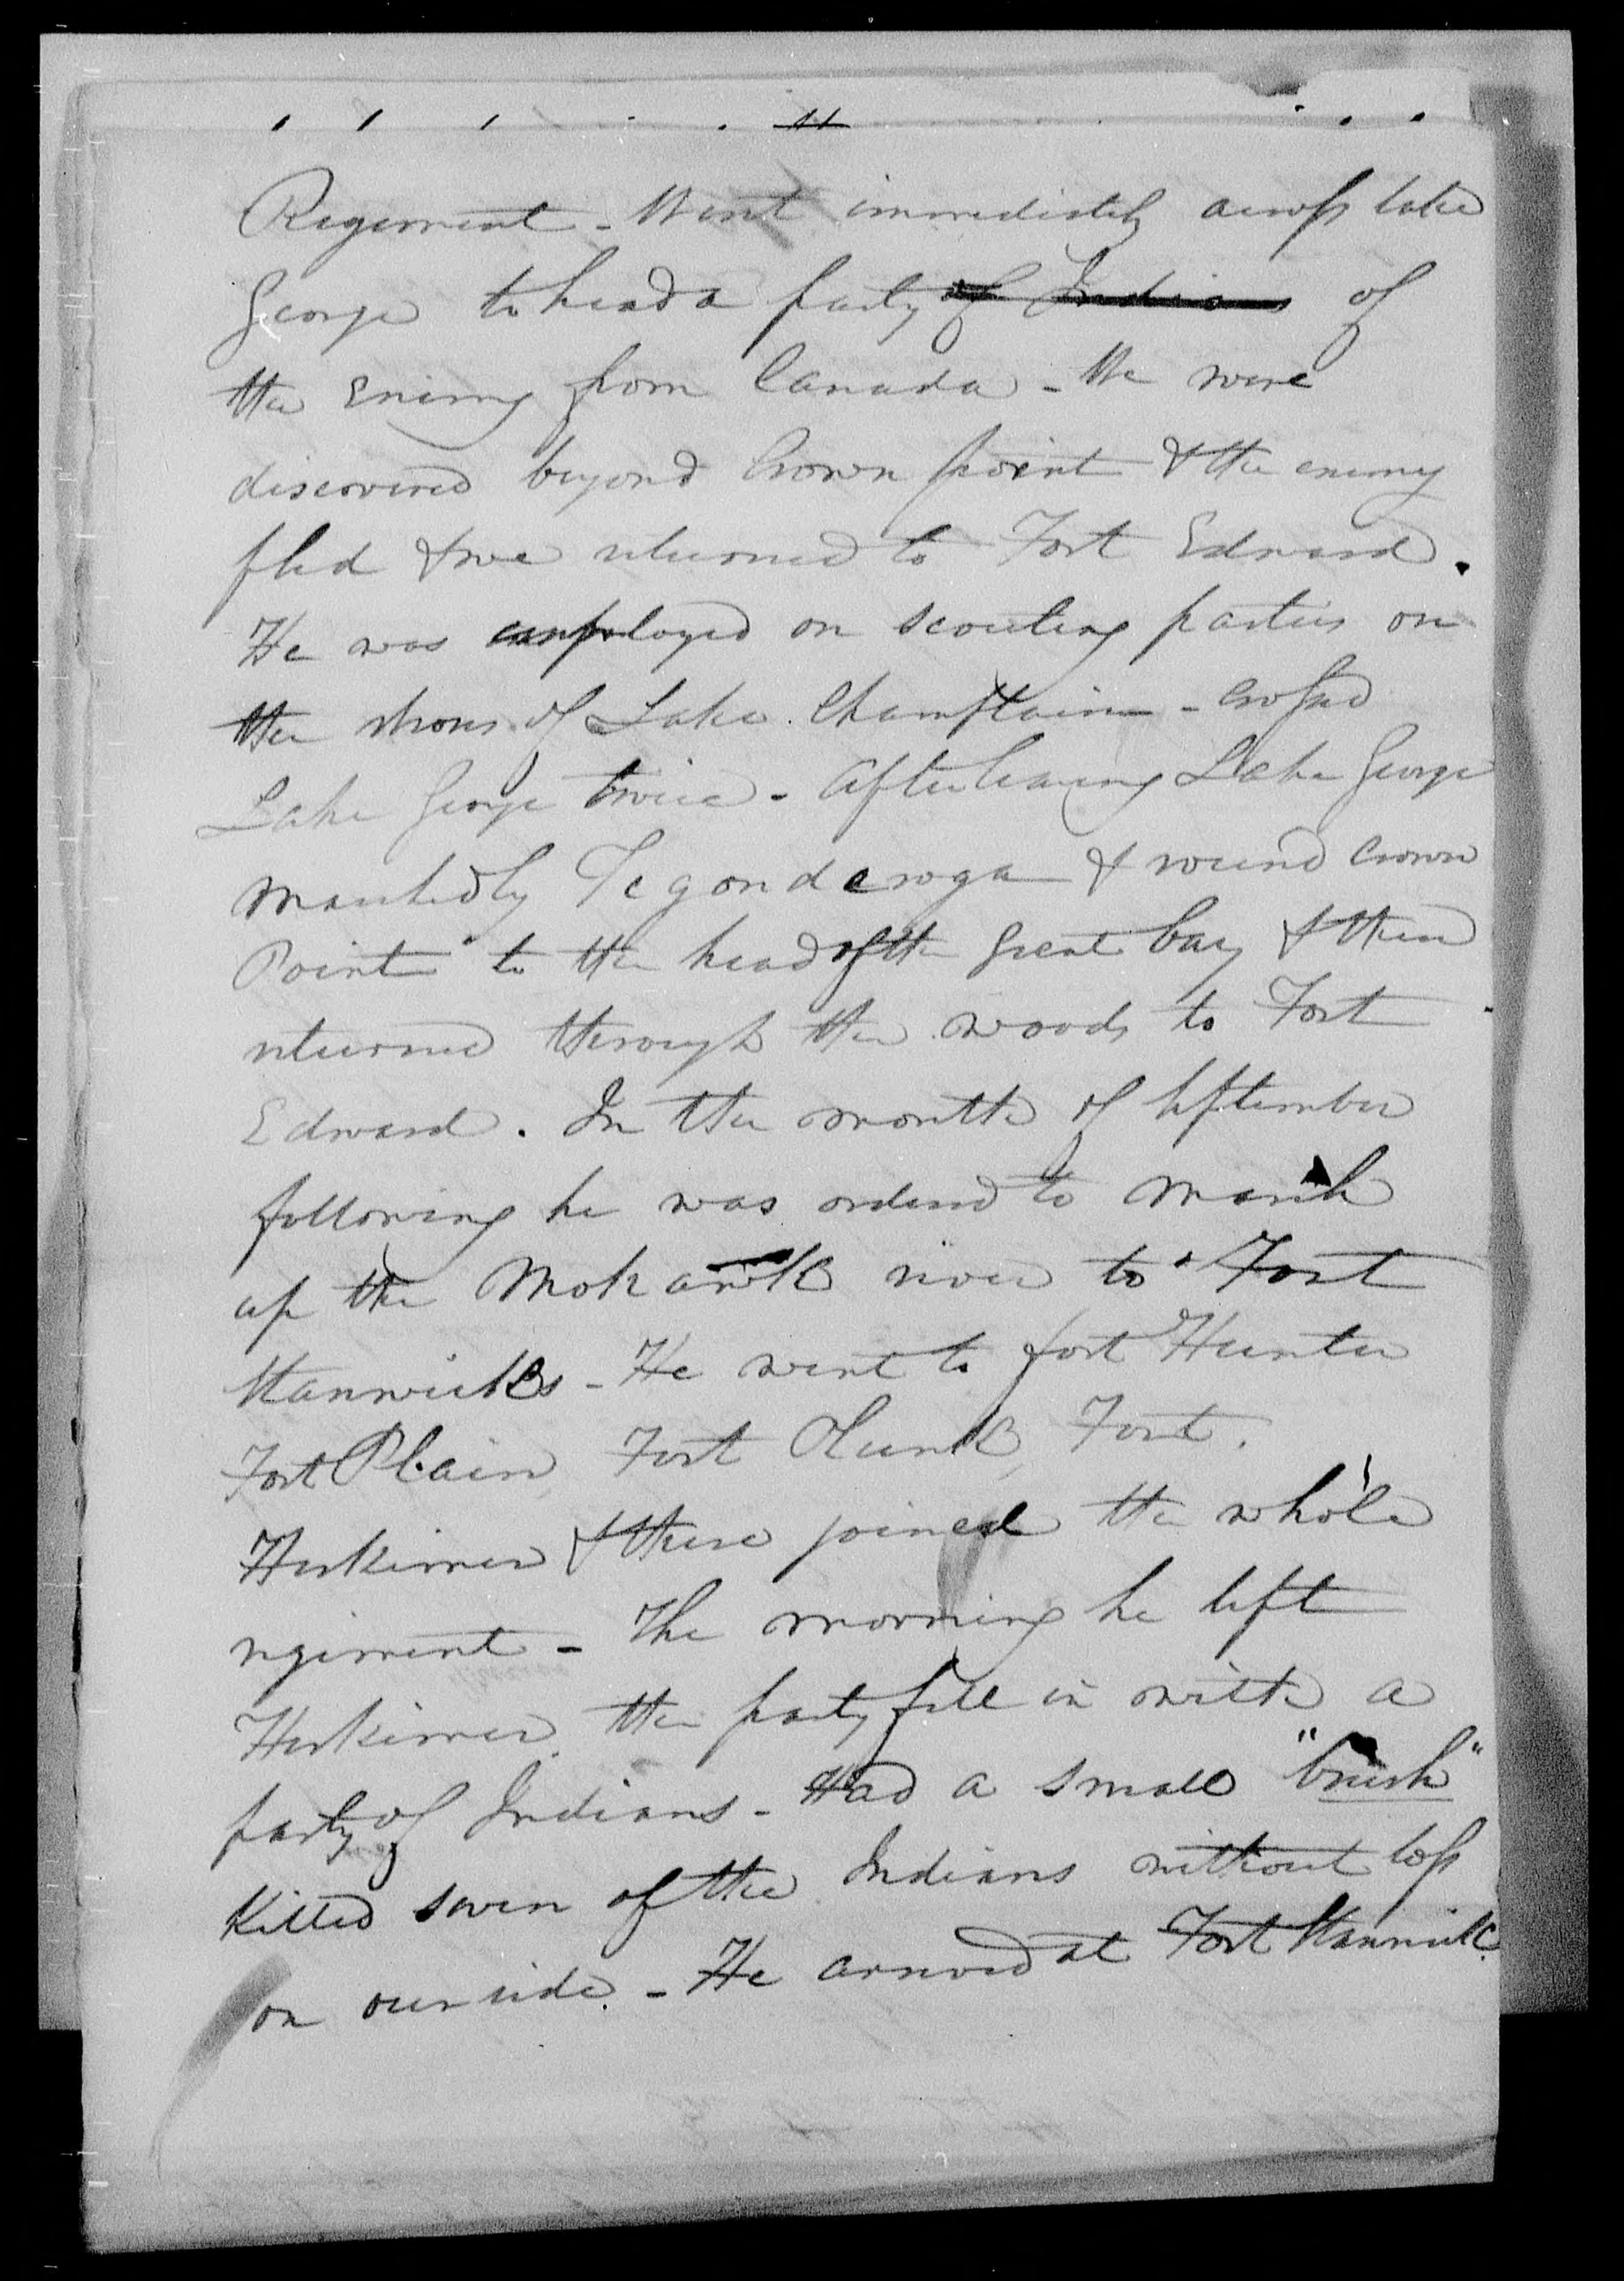Regiment, went immediately across lake George to head a party of the enemy from Canada. We were discovered beyond Crown point & the enemy fled & we returned to Fort Edward. He was employed on scouting parties on the shores of Lake Champlain - crossed Lake George twice. After leaving Lake George marched by Ticonderoga & round crown Point to the head of the great bay & then returned through the woods to Fort Edward. In the month of September following he was ordered to march up the Mohawk river to Fort Stanwicks [Stanwix] - He went to fort Hunter Fort Plain Fort Klock Fort Herkimer & there joined the whole regiment - The morning he left Herkimer the party fell in with a party of Indians - Had a small “brush” killed seven of the Indians without loss on our side. He arrived at Fort Stanwicks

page: 8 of 26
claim: survivor's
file: S. 13,625, for Isaiah Keeler, New York